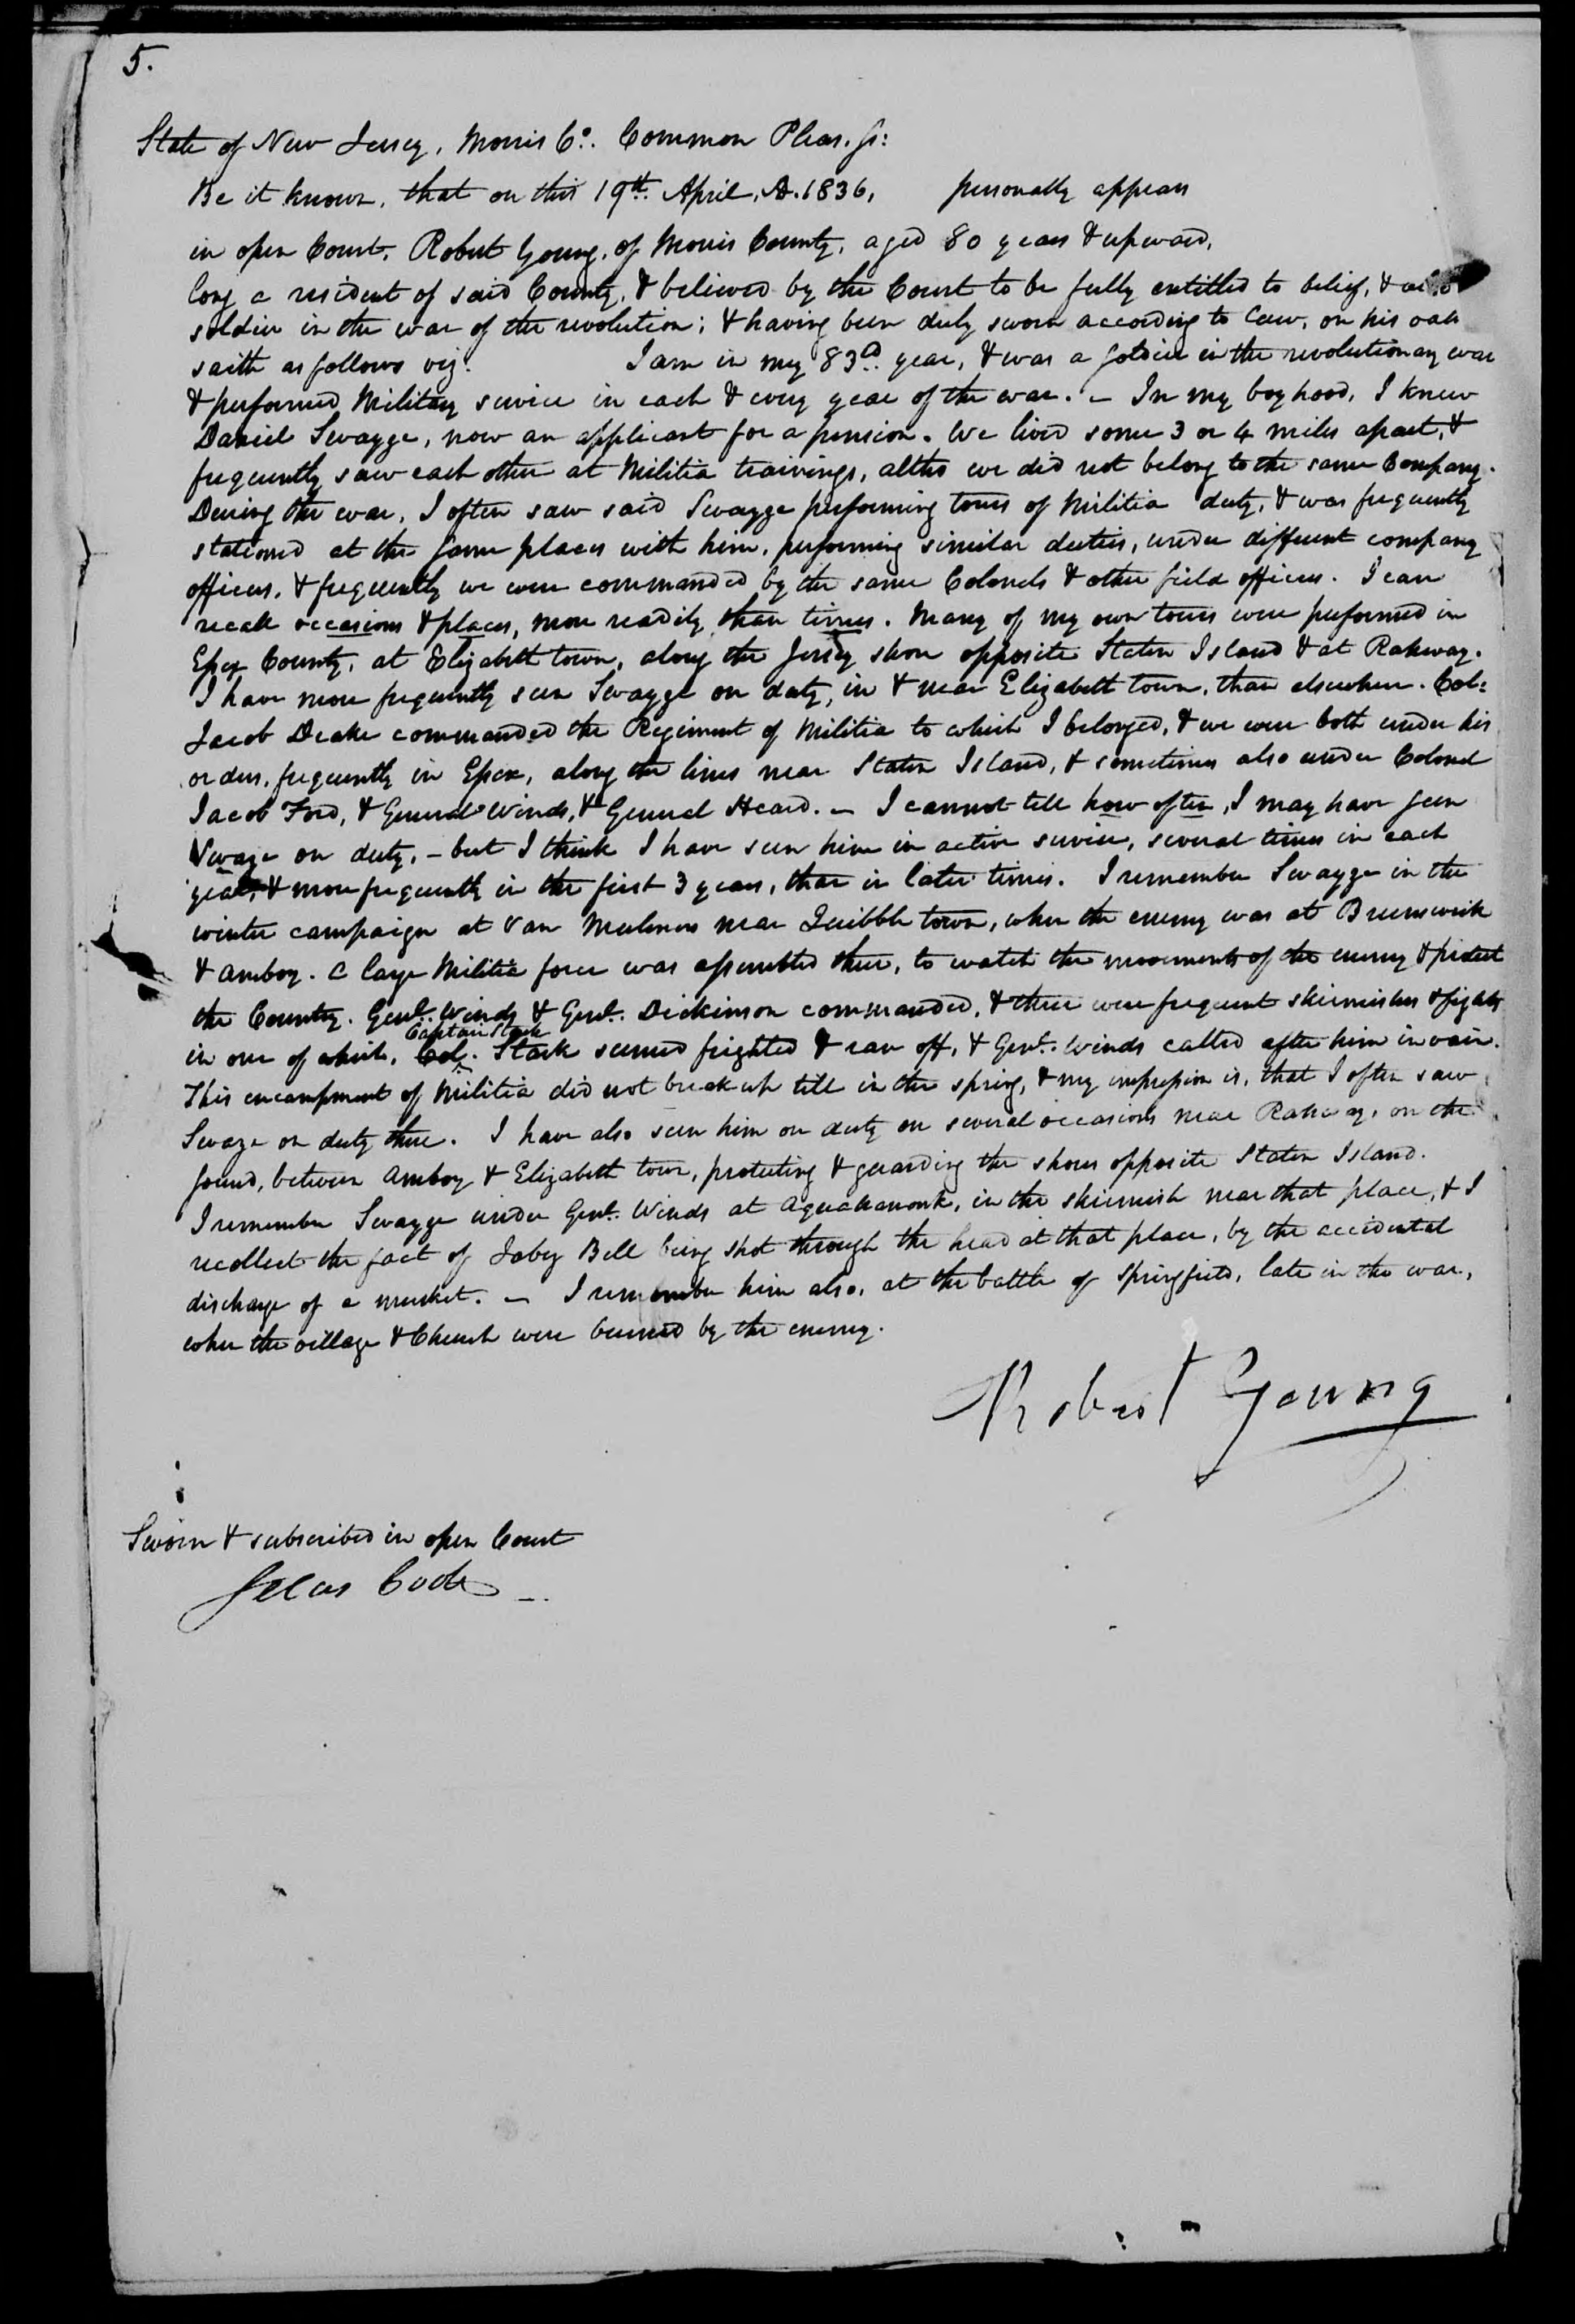5.
State of New Jersey, Morris Co Common Pleas, ss:
Be it known, that on this 19th April, A. 1836,
personally appears
in open Court, Robert Young of Morris County, aged 80 years & upward
long a resident of said County, & believed by the Court to be fully entitled to belief, & also
soldier in the war of the revolution; & having been duly sworn according to law, on his oath
saith as follows by
I am in my 83 year, & was a soldier in the revolutionary war
& performed Military service in each & every year of the war. In my boyhood, I knew
Daniel Swayze, now an applicant for a pension. We lived some 3 or 4 miles apart, &
frequently saw each other at Militia trainings, altho we did not belong to the same Company.
During the war, I often saw said Swayze performing tours of militia duty, & was frequently
stationed at the same places with him, performing similar duties, under different company
officers, & frequently we were commanded by the same Colonels & other field officers. I can
reach occasions & places, more readily than times. Many of my own tours were performed in Essex
County, at Elizabeth town, along the Jersey shore opposite Staten Island & at Rahway
I have more frequently seen Swayze on duty, in & was Elizabeth town, than elsewhere. Col
Jacob Drake commanded the Regiment of Militia to which I belonged & were both under his
order, frequently in Essex, along the lines near Staten Island, & sometimes also under Colonel
Jacob Ford, & General Winds , & Genl Heard, I cannot tell how often I may have been
Swayze on duty, but I think I have seen him in active service, several times in each
year & more frequently in the first 3 years, than in later times. I remember Swayze in the
winter campaign at Van Molinor near Quibble town, when the enemy was at Brunswick
& amber. Clay Militia force was assembled there, to watch the movement of the enemy & protect
the Country Genl Winds & Genl Dickinson commanded & there were frequent skirmishes & fights in one of which Col. Stark [illegible] frighted & ran off, & Genl Winds called after him in vain.
This encampment of Militia did not break up till in the spring, & my impression is, that I often saw
Swayze on duty there. I have also seen him on duty on several occasion near Rahway, on the
found, between Ambry & Elizabeth town, protecting & guarding the shores opposite Staten Island.
I remember Swayze under Genl Winds at Aquahanank, in the skirmish near that place, & I recollect the fact of Joby Bell being shot through the head at that place, by the accidental
discharge of a musket. I remember him also at the battle of Springfield, late in the war,
when the village & church were burned by the enemy.
Robert Young
Sworn & subscribed in open Court
Jas Cook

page: 9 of 20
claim: survivor's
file: S. 4911, for Daniel Swayze, New Jersey